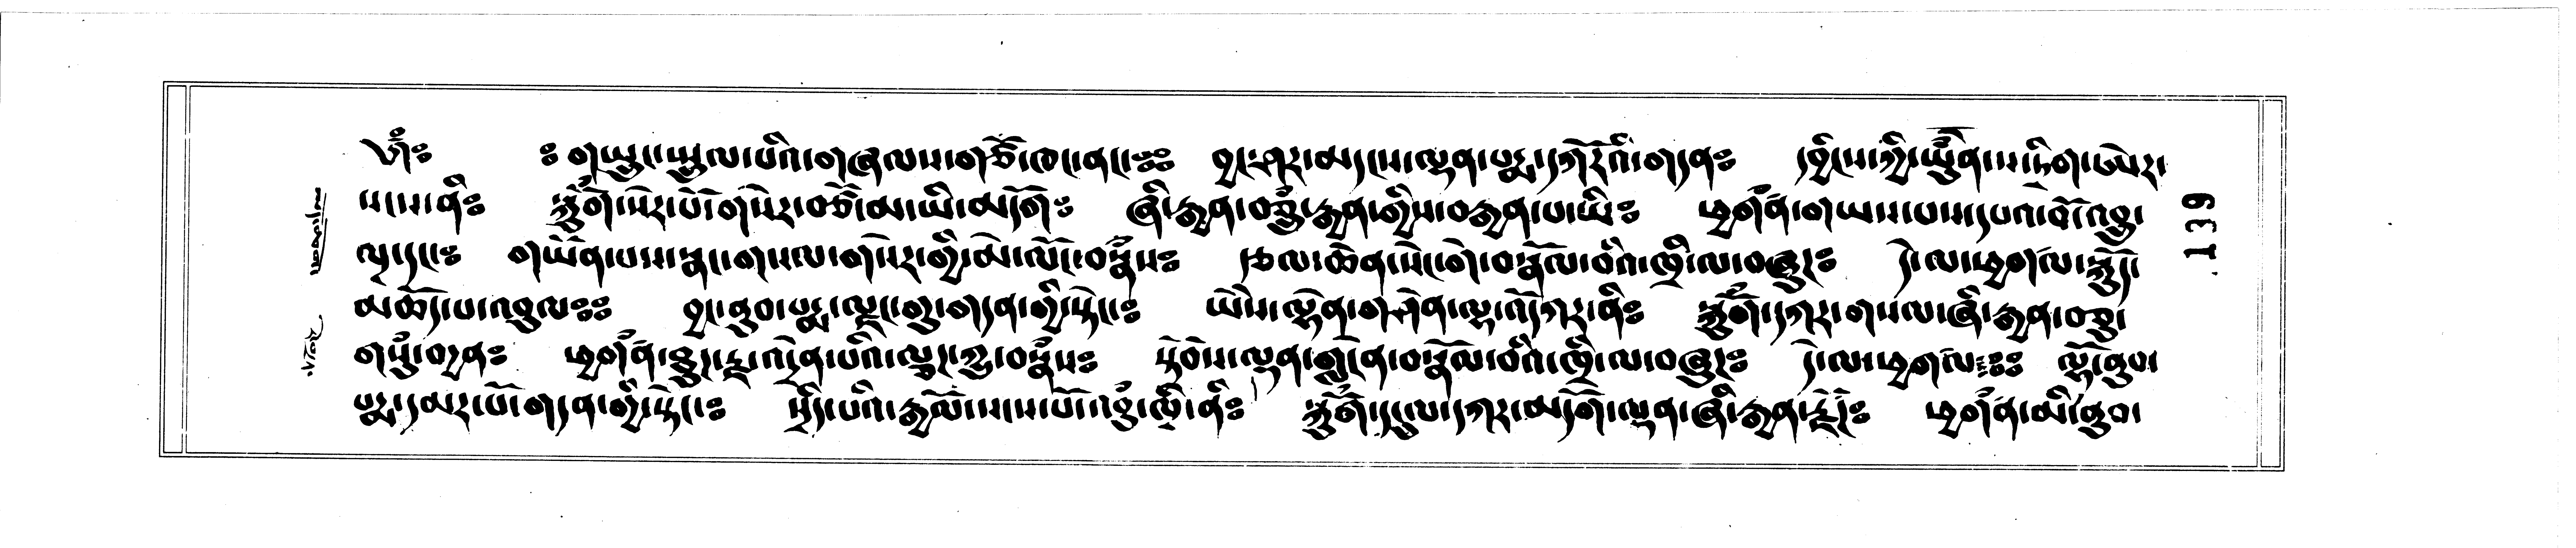གཡུང་དྲུང་སྤྲུལ་པའི་གཞལ་ཡས་གཙོ་ཁང་ནངཿ བྱང་ཤར་མདངས་ལྡན་པད་མ་དཀར་པོའི་གདནཿ དབྱིངས་ཀྱི་ཡུམ་ཆེན་ས་ཏྲིག་ཨེར་
སངས་ནིཿ སྐུ་མདོག་སེར་པོ་གསེར་བཙོ་མ་ཡི་མདོགཿ ཞི་རྒྱན་བཅུ་གསུམ་རྒྱན་གྱིས་བརྒྱན་པ་ཡིཿ ཕྱག་མཚན་གཡས་པས་དཔའ་བོ་འབྲུ་
ལྔ་དངཿ གཡོན་པས་སྣང་གསལ་གསེར་གྱི་མེ་ལོང་བསྣམསཿ རྩལ་ཆེན་སེང་གེ་བསྣོལ་བའི་ཁྲི་ལ་བཞུགསཿ དེ་ལ་ཕྱག་འཚལ་སྐུ་བསྟོད་
མཆོད་པ་འབུལཿ བྱང་ནུབ་པད་ལྗང་གུ་གདན་གྱི་སྟེངཿ ཡེ་ཤེས་ལྷ་ཆེན་གཤེན་ལྷ་འོད་དཀར་ནིཿ སྐུ་མདོག་དཀར་གསལ་ཞི་རྒྱན་བཅུ་
གསུམ་བརྒྱནཿ ཕྱག་མཚན་ཐུགས་རྗེ་འདྲེན་པའི་ལྕཀྱུ་བསྣམསཿ སྟོབས་ལྡན་གླང་ཆེན་བསྣོལ་བའི་ཁྲི་ལ་བཞུགསཿ དེ་ལ་ཕྱག་འཚལ་སྐུ་བསྟོད་མཆོད་པ་འབུལཿ ལྷོ་ནུབ་
པད་མ་དམར་པོ་གདན་གྱི་སྟེངཿ སྲིད་པའི་རྒྱལ་པོ་སངས་པོ་འབུམ་ཁྲི་ནིཿ སྐུ་མདོག་དངུལ་དཀར་མདོག་ལྡན་ཞི་རྒྱན་རྫོགསཿ ཕྱག་མཚན་མི་ནུབ་